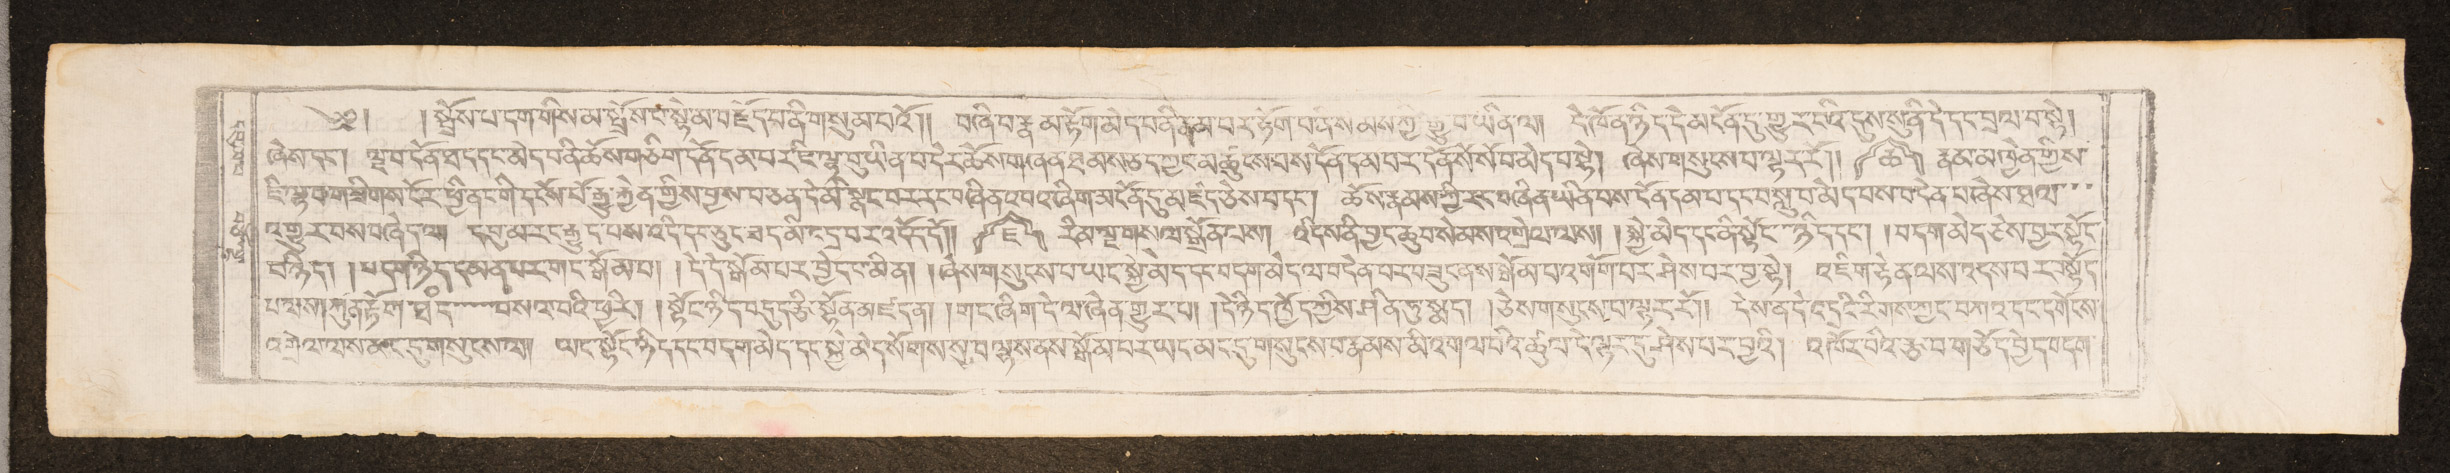༄༅། །སྤྲོས་པ་དག་གིས་མ་སྤྲོས་པ་སྟེ་མ་བརྗོད་པ་ནི་གསུམ་བའོ།། བཞི་བ་རྣམ་རྟོག་མེད་པ་ནི་རྣམ་པར་རྟོག་པ་ནི་སེམས་ཀྱི་རྒྱུ་བ་ཡིན་ལ། དེ་ཁོ་ན་ཉིད་དེ་མངོན་དུ་གྱུར་བའི་དུས་སུ་ནི་དེ་དང་བྲལ་བ་སྟེ།
ཞེས་དང་། ལྔ་པ་དོན་ཐ་དད་པ་མེད་པ་ནི་ཆོས་གཅིག་དོན་དམ་པར་ཇི་ལྟ་བུ་ཡིན་པ་དེར་ཆོས་གཞན་ཐམས་ཅད་ཀྱང་མཚུངས་པས་དོན་དམ་པར་དོན་སོ་སོ་བ་མེད་པ་སྟེ། ཞེས་གསུངས་པ་ལྟར་རོ།། ༼༽ཆ༼༽ རྣམ་མཁྱེན་གྱིས་
ཇི་ལྟ་བ་གཟིགས་ངོར་ཕྱི་ནང་གི་དངོས་པོ་རྒྱུ་རྐྱེན་གྱིས་བྱས་པ་ཅན་དེ་མི་སྣང་བར་རང་བཞིན་འབའ་ཞིག་མངོན་དུ་མཛད་ཅེས་པ་དང་། ཆོས་རྣམས་ཀྱི་རང་བཞིན་ཡིན་པས་དོན་དམ་པ་དང་བསླུ་བ་མེད་པས་བདེན་པ་ཞེས་ཐལ་
འགྱུར་བས་བཞེད་ལ། དབུ་མ་རང་རྒྱུད་པས་འདི་དང་ཅུང་ཟད་མི་འདྲ་བར་འདོད་དོ།། ༼༽ཇ༼༽ རིམ་ལྔ་གསལ་སྒྲོན་ལས། འདིས་ནི་བྱང་ཆུབ་སེམས་འགྲེལ་ལས། །སྐྱེ་མེད་དང་ནི་སྟོང་ཉིད་དང་། །བདག་མེད་ཅེས་བྱར་སྟོང་
པ་ཉིད། །བདག་ཉིད་དམན་པར་གང་སྒོམ་པ། །དེ་དེ་སྒོམ་པར་བྱེད་པ་མིན། །ཞེས་གསུངས་པ་ཡང་སྐྱེ་མེད་དང་བདག་མེད་ལ་བདེན་པར་བཟུང་ནས་སྒོམ་པ་འགོག་པར་ཤེས་པར་བྱ་སྟེ། འཇིག་རྟེན་ལས་འདས་པར་བསྟོད་
པ་ལས། ཀུན་རྟོག་ཐདཾ་བསལ་བའི་ཕྱིར། །སྟོང་ཉིད་བདུད་རྩི་སྟོན་མཛད་ན། །གང་ཞིག་དེ་ལ་ཞེན་གྱུར་པ། །དེ་ཉིད་ཁྱོད་ཀྱིས་ཤིན་ཏུ་སྨད། །ཅེས་གསུངས་པ་ལྟར་རོ།། དེས་ན་དེ་འདྲའི་རིགས་ཀྱང་བཀའ་དང་དགོངས་
འགྲེལ་ལས་མང་དུ་གསུངས་ལ། ཡང་སྟོང་ཉིད་དང་བདག་མེད་དང་སྐྱེ་མེད་སོགས་སུ་བླྷས་ནས་སྒོམ་པར་ཡང་མང་དུ་གསུངས་པ་རྣམས་མི་འགལ་བའི་ཚུལ་དེ་ལྟར་དུ་ཤེས་པར་བྱའི། འཁོར་བའི་རྩ་བ་གཅོད་བྱེད་བདག་